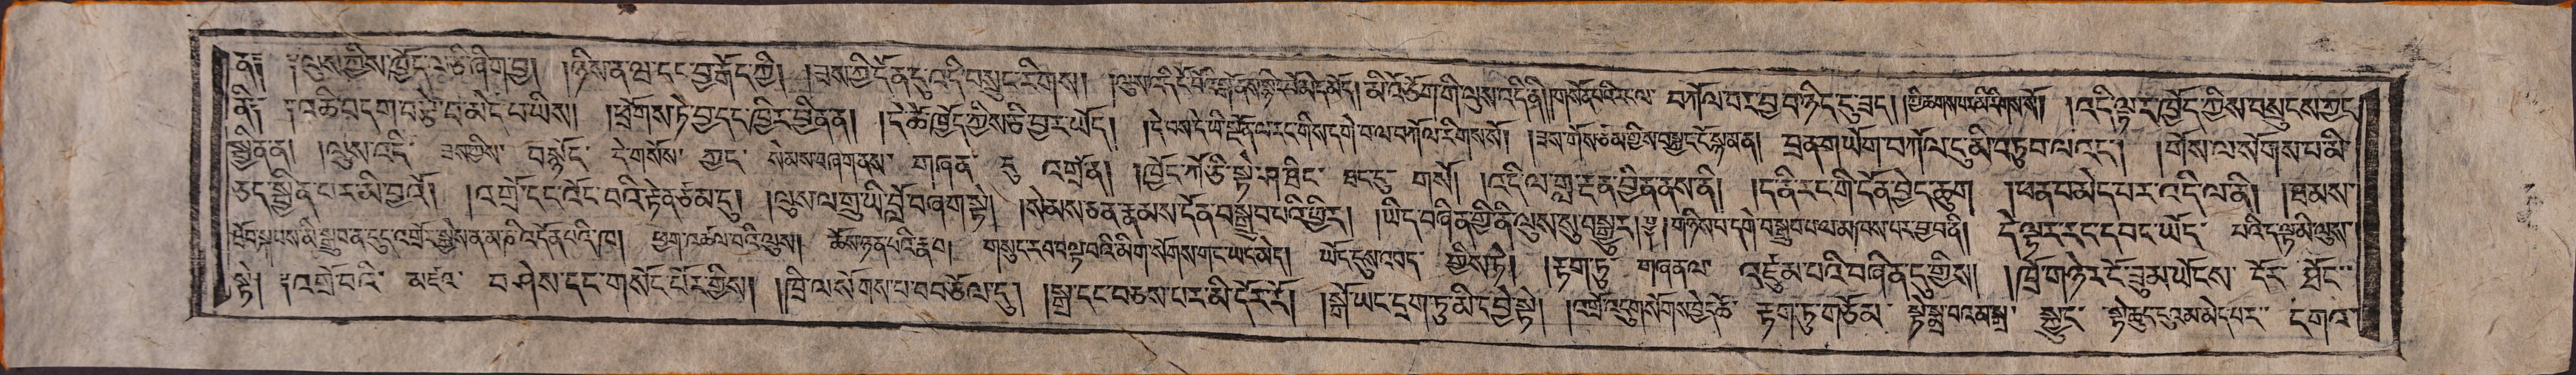ན༑ ༑ལུས་ཀྱིས་ཁྱོད་ལ་ཅི་ཞིག་བྱ། །ཉིས་ན་ཝ་དང་བྱ་རྒོད་ཀྱི། །ཟས་ཀྱི་དོན་དུ་འདི་བསྲུང་རིགས། །ལུས་འདི་ངོ་བོའི་སྒོ་ནས་སྙིང་པོ་མེད་མདོ། མིའོ་ཅོག་གི་ལུས་འདི་ནི། །གསོན་པའི་རང་ལ་བཀོལ་བར་བྱ་བ་ཉིད་དུ་ཟད། །ཀྱི་ཆགས་པར་མི་རིགས་སོ། །འདི་ལྟར་ཁྱོད་ཀྱིས་བསྲུངས་ཀྱང་
ནི༑ ༑འཆི་བདག་བརྩེ་བ་མེད་པ་ཡིས། །ཕྲོགས་ཏེ་བྱ་དང་ཁྱིར་བྱིན་ན། །དེ་ཚེ་ཁྱོད་ཀྱིས་ཅི་བྱར་ཡོད། །དེ་བས་དེ་ཡི་སྔན་ལ་རང་གིས་དགེ་བ་ལ་བཀོལ་རིགས་སོ། །ཟས་གོས་ཙམ་གྱིས་བསྐྱང་ངོ་སྙམ་ན། བྲན་གཡོག་བཀོལ་དུ་མི་བཏུབ་ལའང་། །གོས་ལ་སོགས་པ་མི་
སྦྱིན་ན། །ལུས་འདི་ཟས་ཀྱིས་བསྙོད་དེ་གསོས་ཀྱང་སེམས་བཞག་ནས་གཞན་དུ་འགྲོ་ན། །ཁྱོད་ཀོ་ཅི་སྟེ་ཤ་ཐང་ཐང་དུ་གསོ། །འདི་ལ་གླ་རྔན་པྱིན་ནས་ནི། །ད་ནི་རང་གི་དོན་བྱེད་ཆུབ་།ཕན་པ་མེད་པར་འདི་ལ་ནི། །ཐམས་
ཅད་སྦྱིན་པར་མི་བྱའོ། །འགྲོ་དང་འོང་བའི་རྟེན་ཙམ་དུ། །ལུས་ལ་གྲུ་ཡི་བློ་བཞག་སྟེ། །སེམས་ཅན་རྣམས་དོན་བསྒྲུབ་པའི་ཕྱིར། །ཡིད་བཞིན་གྱི་ནི་ལུས་སུ་བསྒྱུར། ༈ །གཉིས་པ་དགེ་བ་སྒྲུབ་པ་ལ་མཁས་པར་བྱ་བ་ནི། དེ་ལྟར་རང་དབང་ཡོད་པའི་ད་ལྟ་མི་ལུས་
ཐོབ་སྐབས་མི་སྒྲུབ་ན་དུད་འགྲོར་སྐྱེས་ན་མ་ཎི་འདོན་པའི་ཁ། ཕྱག་འཚལ་བའི་ལུས། ཆོས་ཉན་པའི་རྣ་བ། གསུང་རབ་པ་ལྟ་བའི་མིག་སོགས་གང་ཡང་མེད། ཡོད་དུས་འབད་གྱིས་ཏེ། །རྟག་ཏུ་གཞན་ལ་འཛུམ་པའི་བཞིན་དུ་གྱིས། །ཁྲོ་གཉེར་ངོ་ཟུམ་ཡོངས་དོར་ཐོང་
སྟེ༑ ༑འགྲོ་བའི་མཛའ་བཤེས་དང་གསོང་པོར་གྱིས། །ཁྲི་ལ་སོགས་པ་བབ་ཅོལ་དུ། །སྒྲ་དང་བཅས་པར་མི་དོར་རོ། །སྒོ་ཡང་དྲག་ཏུ་མི་དབྱེ་སྟེ། །འགྲོ་འདུག་སོགས་བྱེད་ཚེ་རྟག་ཏུ་གཅོམ་སྟེ་སྨྲ་པའམ་སྒྲ་སྐྱུང་སྟེ་ཆུང་དུའམ་མེད་པར་དགའ་